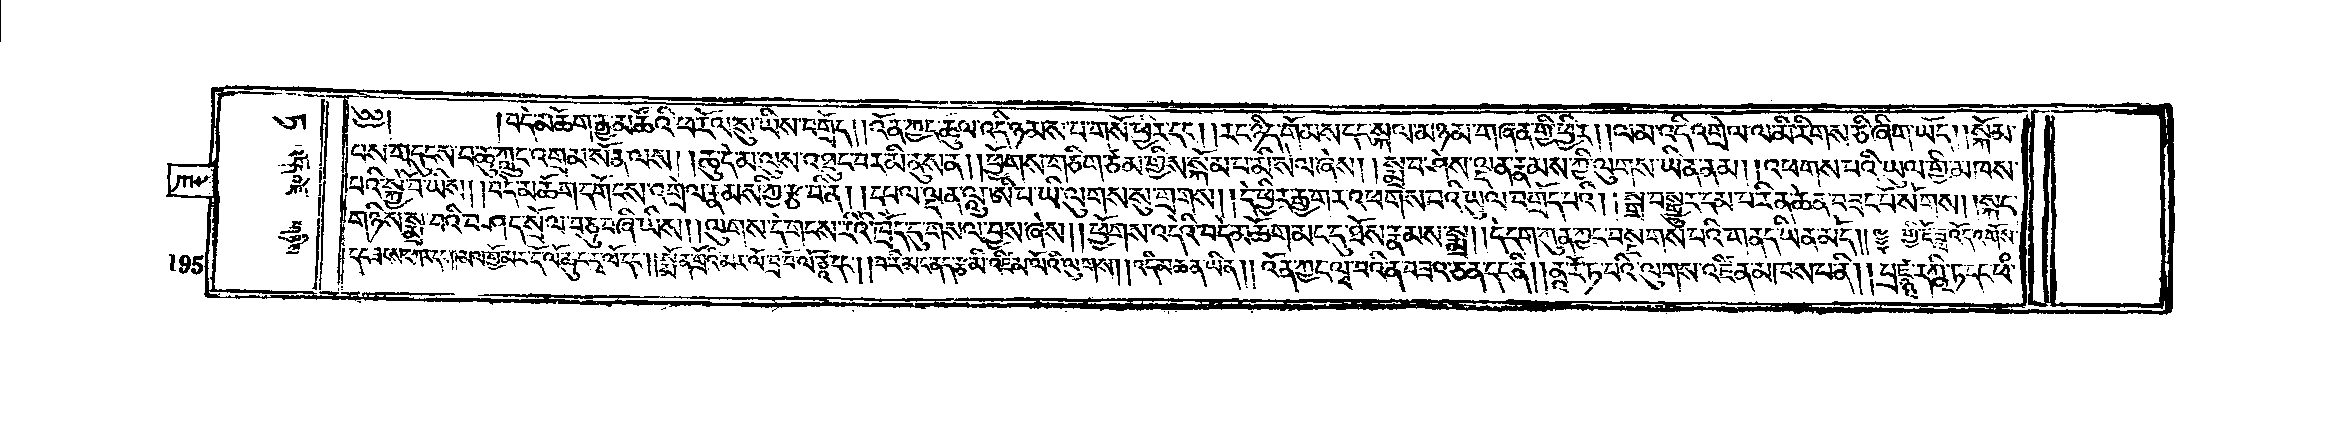༄༅། །བདེ་མཆོག་རྒྱ་མཚོའི་ཕ་རོལ་སུ་ཡིས་བགྲོད། །འོན་ཀྱང་ཚུལ་འདི་ཉམས་པ་གསོ་ཕྱིར་དང་། །རང་ཉིད་གོམས་དང་སྐལ་མཉམ་གཞན་གྱི་ཕྱིར། །ལམ་འདི་འགྲེལ་ལ་མི་རིགས་ཅི་ཞིག་ཡོད། །སྐོམ་
པས་གདུངས་པ་ཆུ་ཀླུང་འགྲམ་སོན་ལས། །ཆུ་དེ་མ་ལུས་འཐུང་བར་མི་ནུས་ན། །ཕྱོགས་གཅིག་ཙམ་གྱིས་སྐོམ་པ་མི་སེལ་ཞེས། །སྨྲ་བ་ཤེས་ལྡན་རྣམས་ཀྱི་ལུགས་ཡིན་ནམ། །འཕགས་པའི་ཡུལ་གྱི་མཁས་
པའི་སྐྱེ་བོ་ཡིས། །བདེ་མཆོག་དགོངས་འགྲེལ་རྣམས་ཀྱི་རྩ་བ་ནི། །དཔལ་ལྡན་ལཱུ་ཨི་པ་ཡི་ལུགས་སུ་གྲགས། །དེ་ཕྱིར་རྒྱ་གར་འཕགས་པའི་ཡུལ་བགྲོད་པའི། །སྒྲ་བསྒྱུར་དམ་པ་རིན་ཆེན་བཟང་པོ་སོགས། །སྐད་
གཉིས་སྨྲ་བའི་བཤད་སྲོལ་བཅུ་བཞི་ཡིས། །ལུགས་དེ་གངས་རིའི་ཁྲོད་དུ་གསལ་བྱས་ཞེས། །ཕྱོགས་འདིའི་བདེ་མཆོག་མང་དུ་ཐོས་རྣམས་སྨྲ། །དེ་དག་ཀུན་ཀྱང་བསྔགས་པའི་གནད་ཡིན་མོད།། ༈ གྱི་ཇོ་ཟླ་འོད་འགོས་
དང་ཟངས་དཀར་དང་། །མལ་གྱོ་མར་དོ་ལོ་ཆུང་རྭ་ལོ་དང་། །སྨོན་གྲོའི་མར་ལོ་བྲ་བོ་ལོ་ཙཱ་དང་། །བ་རི་མང་ནད་རྩ་མི་འཛིམ་ལོའི་ལུགས། །འདི་མཚན་ཡིན། །འོན་ཀྱང་ལྭ་བའི་ན་བཟའ་ཅན་དང་ནི། །ནཱ་རོ་ཏ་པའི་ལུགས་འཛིན་མཁས་པ་ནི། །པྲ་ཛྙཱ་རཀྵི་ཏ་དང་ཕཾ་